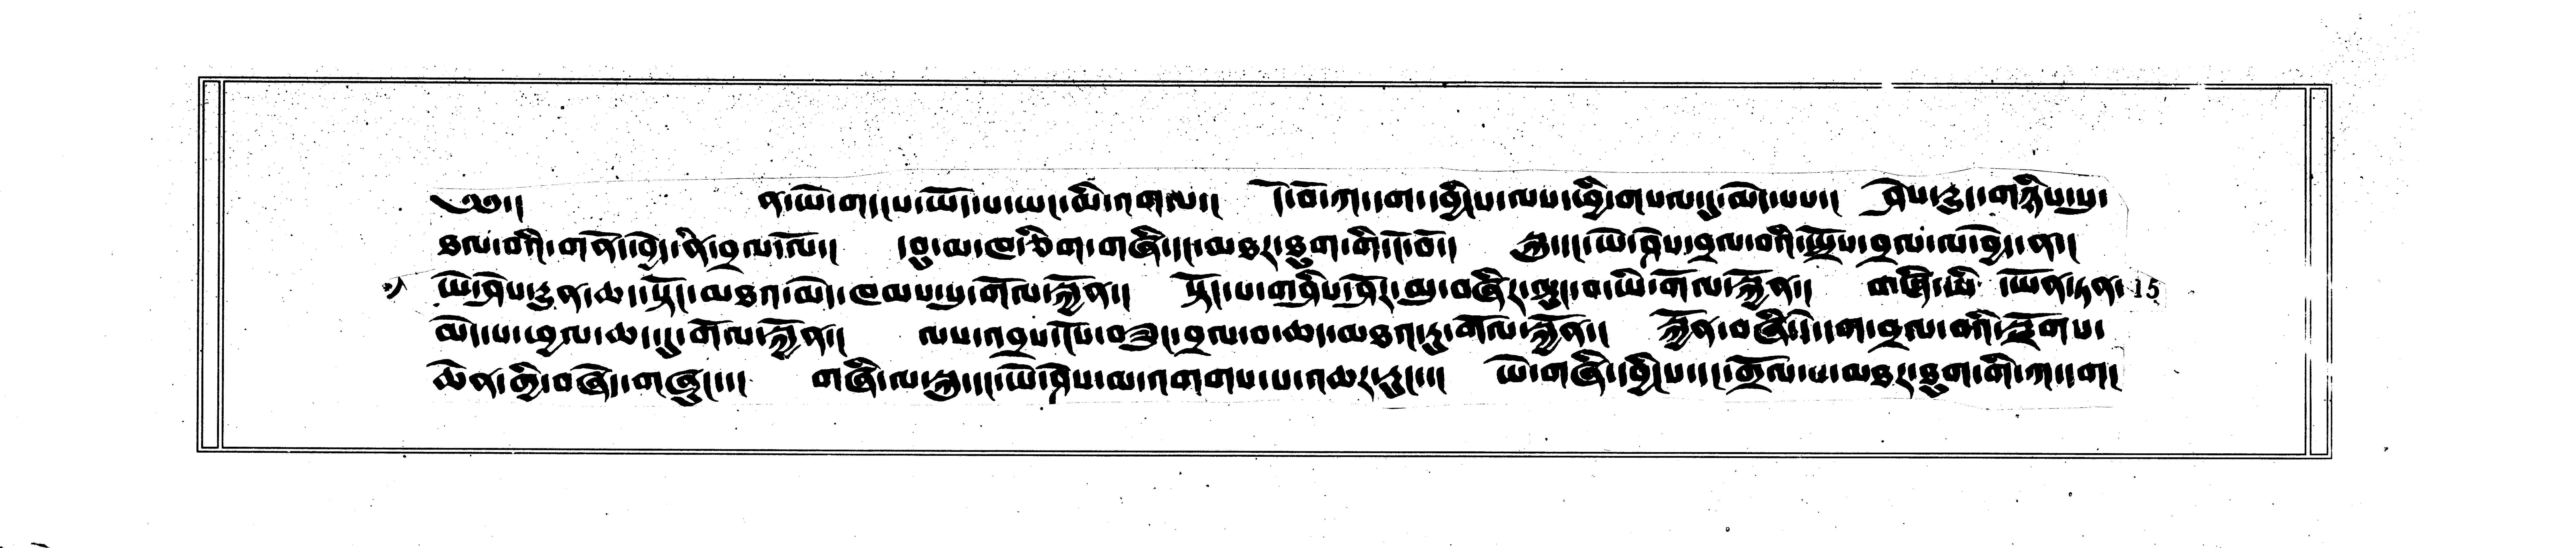ན་ཡེ་གདངས་ཡོད་པ་དང་མི་འགལ། །ངོ་བོ་ཀ་དག་དབྱིངས་ལས་ཕྱི་གསལ་དུ་མེད་པས། །ཤེས་རྒྱུད་གཉིས་སུ་
ཐལ་བའི་གནོད་བྱེད་ནི་བྲལ་ལོ། །དབུ་མ་ཁ་ཅིག་གཞི་དང་མཐར་ཐུག་གི་ངོ་བོ། །སྐུ་དང་ཡེ་ཤེས་བྲལ་བའི་སྤྲོས་བྲལ་ལ་བྱེད་ན། །
ཡེ་ཤེས་རྒྱུན་ཆད་སྟོང་མཐའ་མེད་ཁམས་སུ་གོལ་སྐྱོན། །སྟོང་པ་གཤིས་ཤོར་མུ་བཞིར་ལྟུང་བ་ཡི་གོལ་སྐྱོན། །གཞི་ཡི་ཡོིན་ཏན་
མེད་པ་ཕྱལ་ཆད་དུ་གོལ་སྐྱོན། །ལས་འབྲས་ངོས་བཟུང་བྲལ་བ་ཆད་མཐའ་རུ་གོལ་སྐྱོན། །སྐྱོན་བཞི་དེ་དག་བྲལ་བའི་རྫོགས་
ཆེན་གྱི་བཞེད་གཞུང་། །གཞི་ལ་སྐུ་དང་ཡེ་ཤེས་མ་འགག་པ་འཆར་རུང་། །ཡེ་གཞི་དབྱིངས་དང་གྲོལ་བ་མཐར་ཐུག་གི་ཀ་དག །